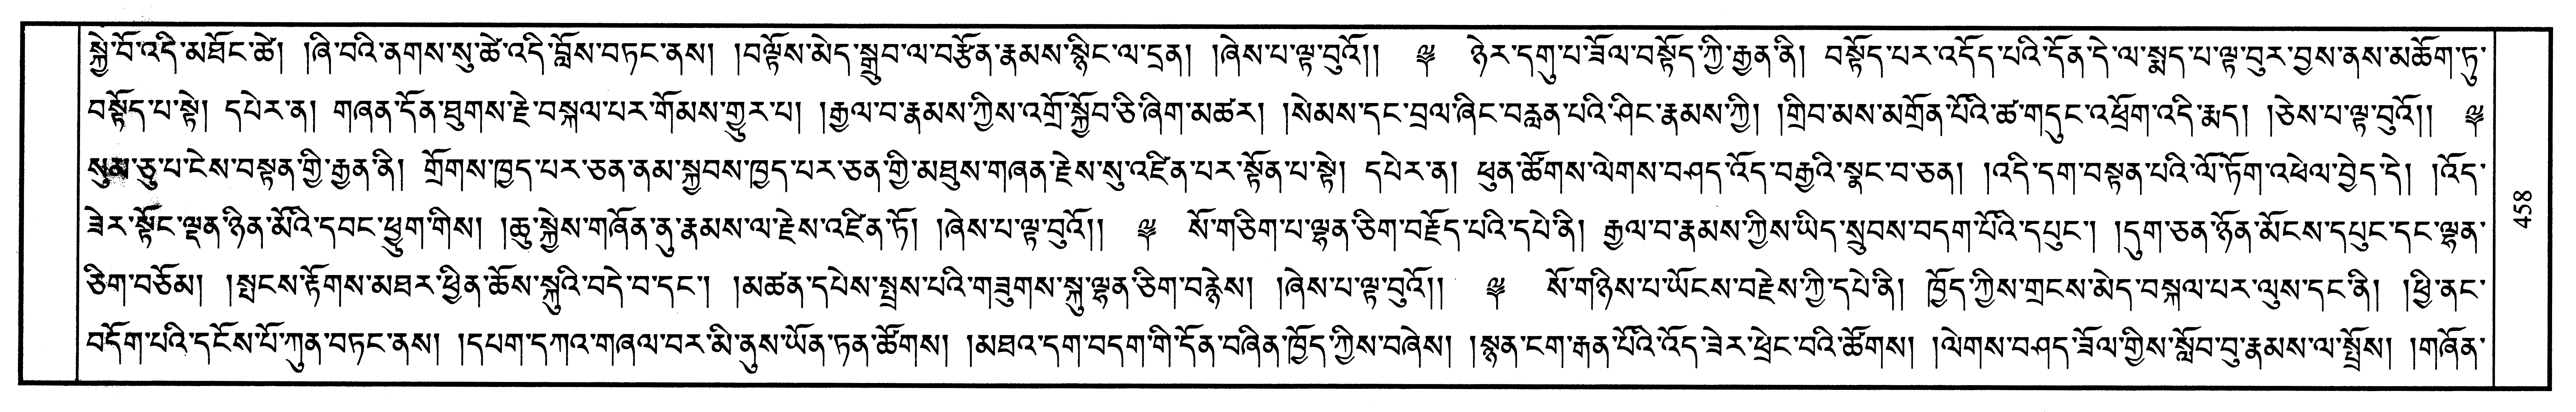སྐྱེ་བོ་འདི་མཐོང་ཚེ། །ཞི་བའི་ནགས་སུ་ཚེ་འདི་བློས་བཏང་ནས། །བལྟོས་མེད་སྒྲུབ་ལ་བརྩོན་རྣམས་སྙིང་ལ་དྲན། །ཞེས་པ་ལྟ་བུའོ།། ༈ ཉེར་དགུ་པ་ཟོལ་བསྟོད་ཀྱི་རྒྱན་ནི། བསྟོད་པར་འདོད་པའི་དོན་དེ་ལ་སྨད་པ་ལྟ་བུར་བྱས་ནས་མཆོག་ཏུ་
བསྟོད་པ་སྟེ། དཔེར་ན། གཞན་དོན་ཐུགས་རྗེ་བསྐལ་པར་གོམས་གྱུར་པ། །རྒྱལ་བ་རྣམས་ཀྱིས་འགྲོ་སྐྱོབ་ཅི་ཞིག་མཚར། །སེམས་དང་བྲལ་ཞིང་བརླན་པའི་ཤིང་རྣམས་ཀྱི། །གྲིབ་མས་མགྲོན་པོའི་ཚ་གདུང་འཕྲོག་འདི་རྨད། །ཅེས་པ་ལྟ་བུའོ།། ༈
སུམ་ཅུ་པ་ངེས་བསྟན་གྱི་རྒྱན་ནི། གྲོགས་ཁྱད་པར་ཅན་ནམ་སྐྱབས་ཁྱད་པར་ཅན་གྱི་མཐུས་གཞན་རྗེས་སུ་འཛིན་པར་སྟོན་པ་སྟེ། དཔེར་ན། ཕུན་ཚོགས་ལེགས་བཤད་འོད་བརྒྱའི་སྣང་བ་ཅན། །འདི་དག་བསྟན་པའི་ལོ་ཏོག་འཕེལ་བྱེད་དེ། །འོད་
ཟེར་སྟོང་ལྡན་ཉིན་མོའི་དབང་ཕྱུག་གིས། །ཆུ་སྐྱེས་གཞོན་ནུ་རྣམས་ལ་རྗེས་འཛིན་ཏོ། །ཞེས་པ་ལྟ་བུའོ།། ༈ སོ་གཅིག་པ་ལྷན་ཅིག་བརྗོད་པའི་དཔེ་ནི། རྒྱལ་བ་རྣམས་ཀྱིས་ཡིད་སྲུབས་བདག་པོའི་དཔུང་། །དུག་ཅན་ཉོན་མོངས་དཔུང་དང་ལྷན་
ཅིག་བཅོམ། །སྤངས་རྟོགས་མཐར་ཕྱིན་ཆོས་སྐུའི་བདེ་བ་དང་། །མཚན་དཔེས་སྤྲས་པའི་གཟུགས་སྐུ་ལྷན་ཅིག་བརྙེས། །ཞེས་པ་ལྟ་བུའོ།། ༈ སོ་གཉིས་པ་ཡོངས་བརྗེས་ཀྱི་དཔེ་ནི། ཁྱོད་ཀྱིས་གྲངས་མེད་བསྐལ་པར་ལུས་དང་ནི། །ཕྱི་ནང་
བདོག་པའི་དངོས་པོ་ཀུན་བཏང་ནས། །དཔག་དཀའ་གཞལ་བར་མི་ནུས་ཡོན་ཏན་ཚོགས། །མཐའ་དག་བདག་གི་དོན་བཞིན་ཁྱོད་ཀྱིས་བཞེས། །སྙན་ངག་རྒན་པོའི་འོད་ཟེར་ཕྲེང་བའི་ཚོགས། །ལེགས་བཤད་ཟོལ་གྱིས་སློབ་བུ་རྣམས་ལ་སྤྲོས། །གཞོན་